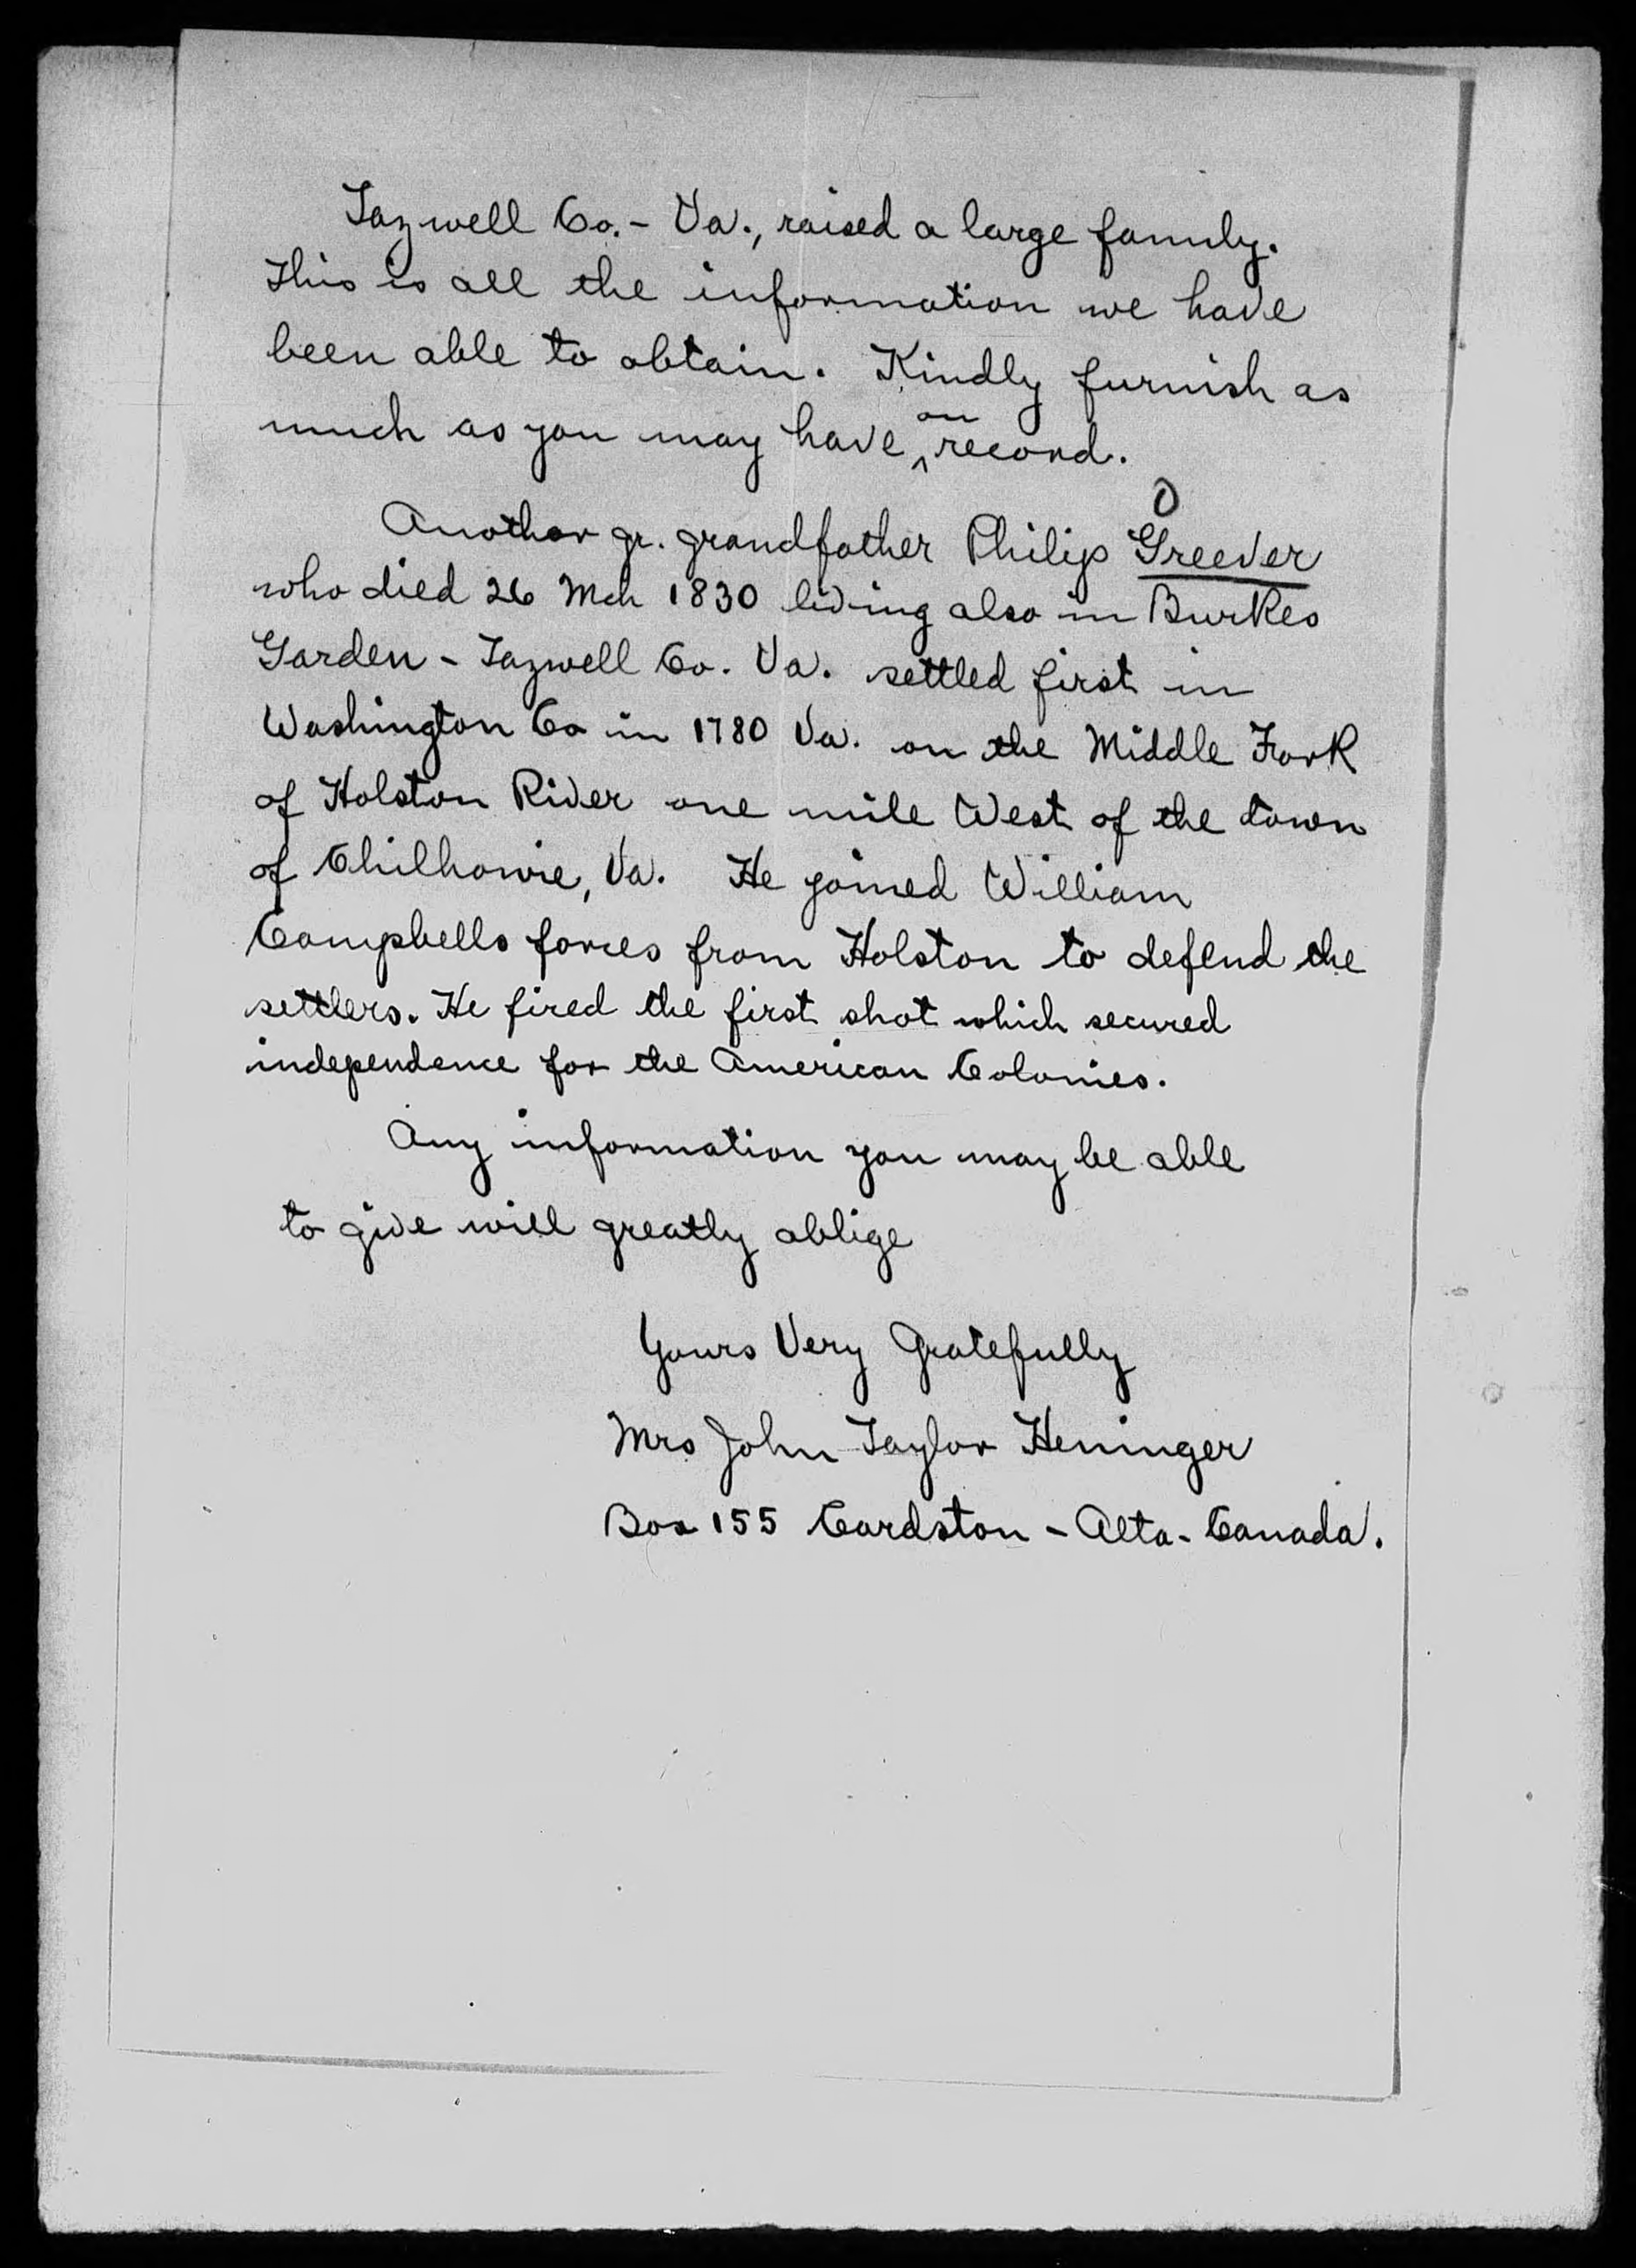Tazwell Co Va raised a large family. This is all the information we have been able to obtain. Kindly furnish as much as you may have on record.

Another Gr. Grandfather Philip Greever who died 26 March 1830 living also in Burkes Garden Tazwell Co VA settle first in Washington Co in 1780 Va on the Middle Ford of Holston River one mile west of the town of Chilhowie Va. He joined William Campbells forces from Holston to defend the settlers. He fired the first shot which received independence for the American Colonies.

Any information you may be able to give will greatly oblige.

Yours very gratefully
Mrs. John Taylor Heninger
Box 155 Cardston Alberta Canada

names: William Campbell, Philip Greever, John Taylor Heninger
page: 16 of 18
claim: survivor's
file: S. 15,884, John Hennigar, Md.